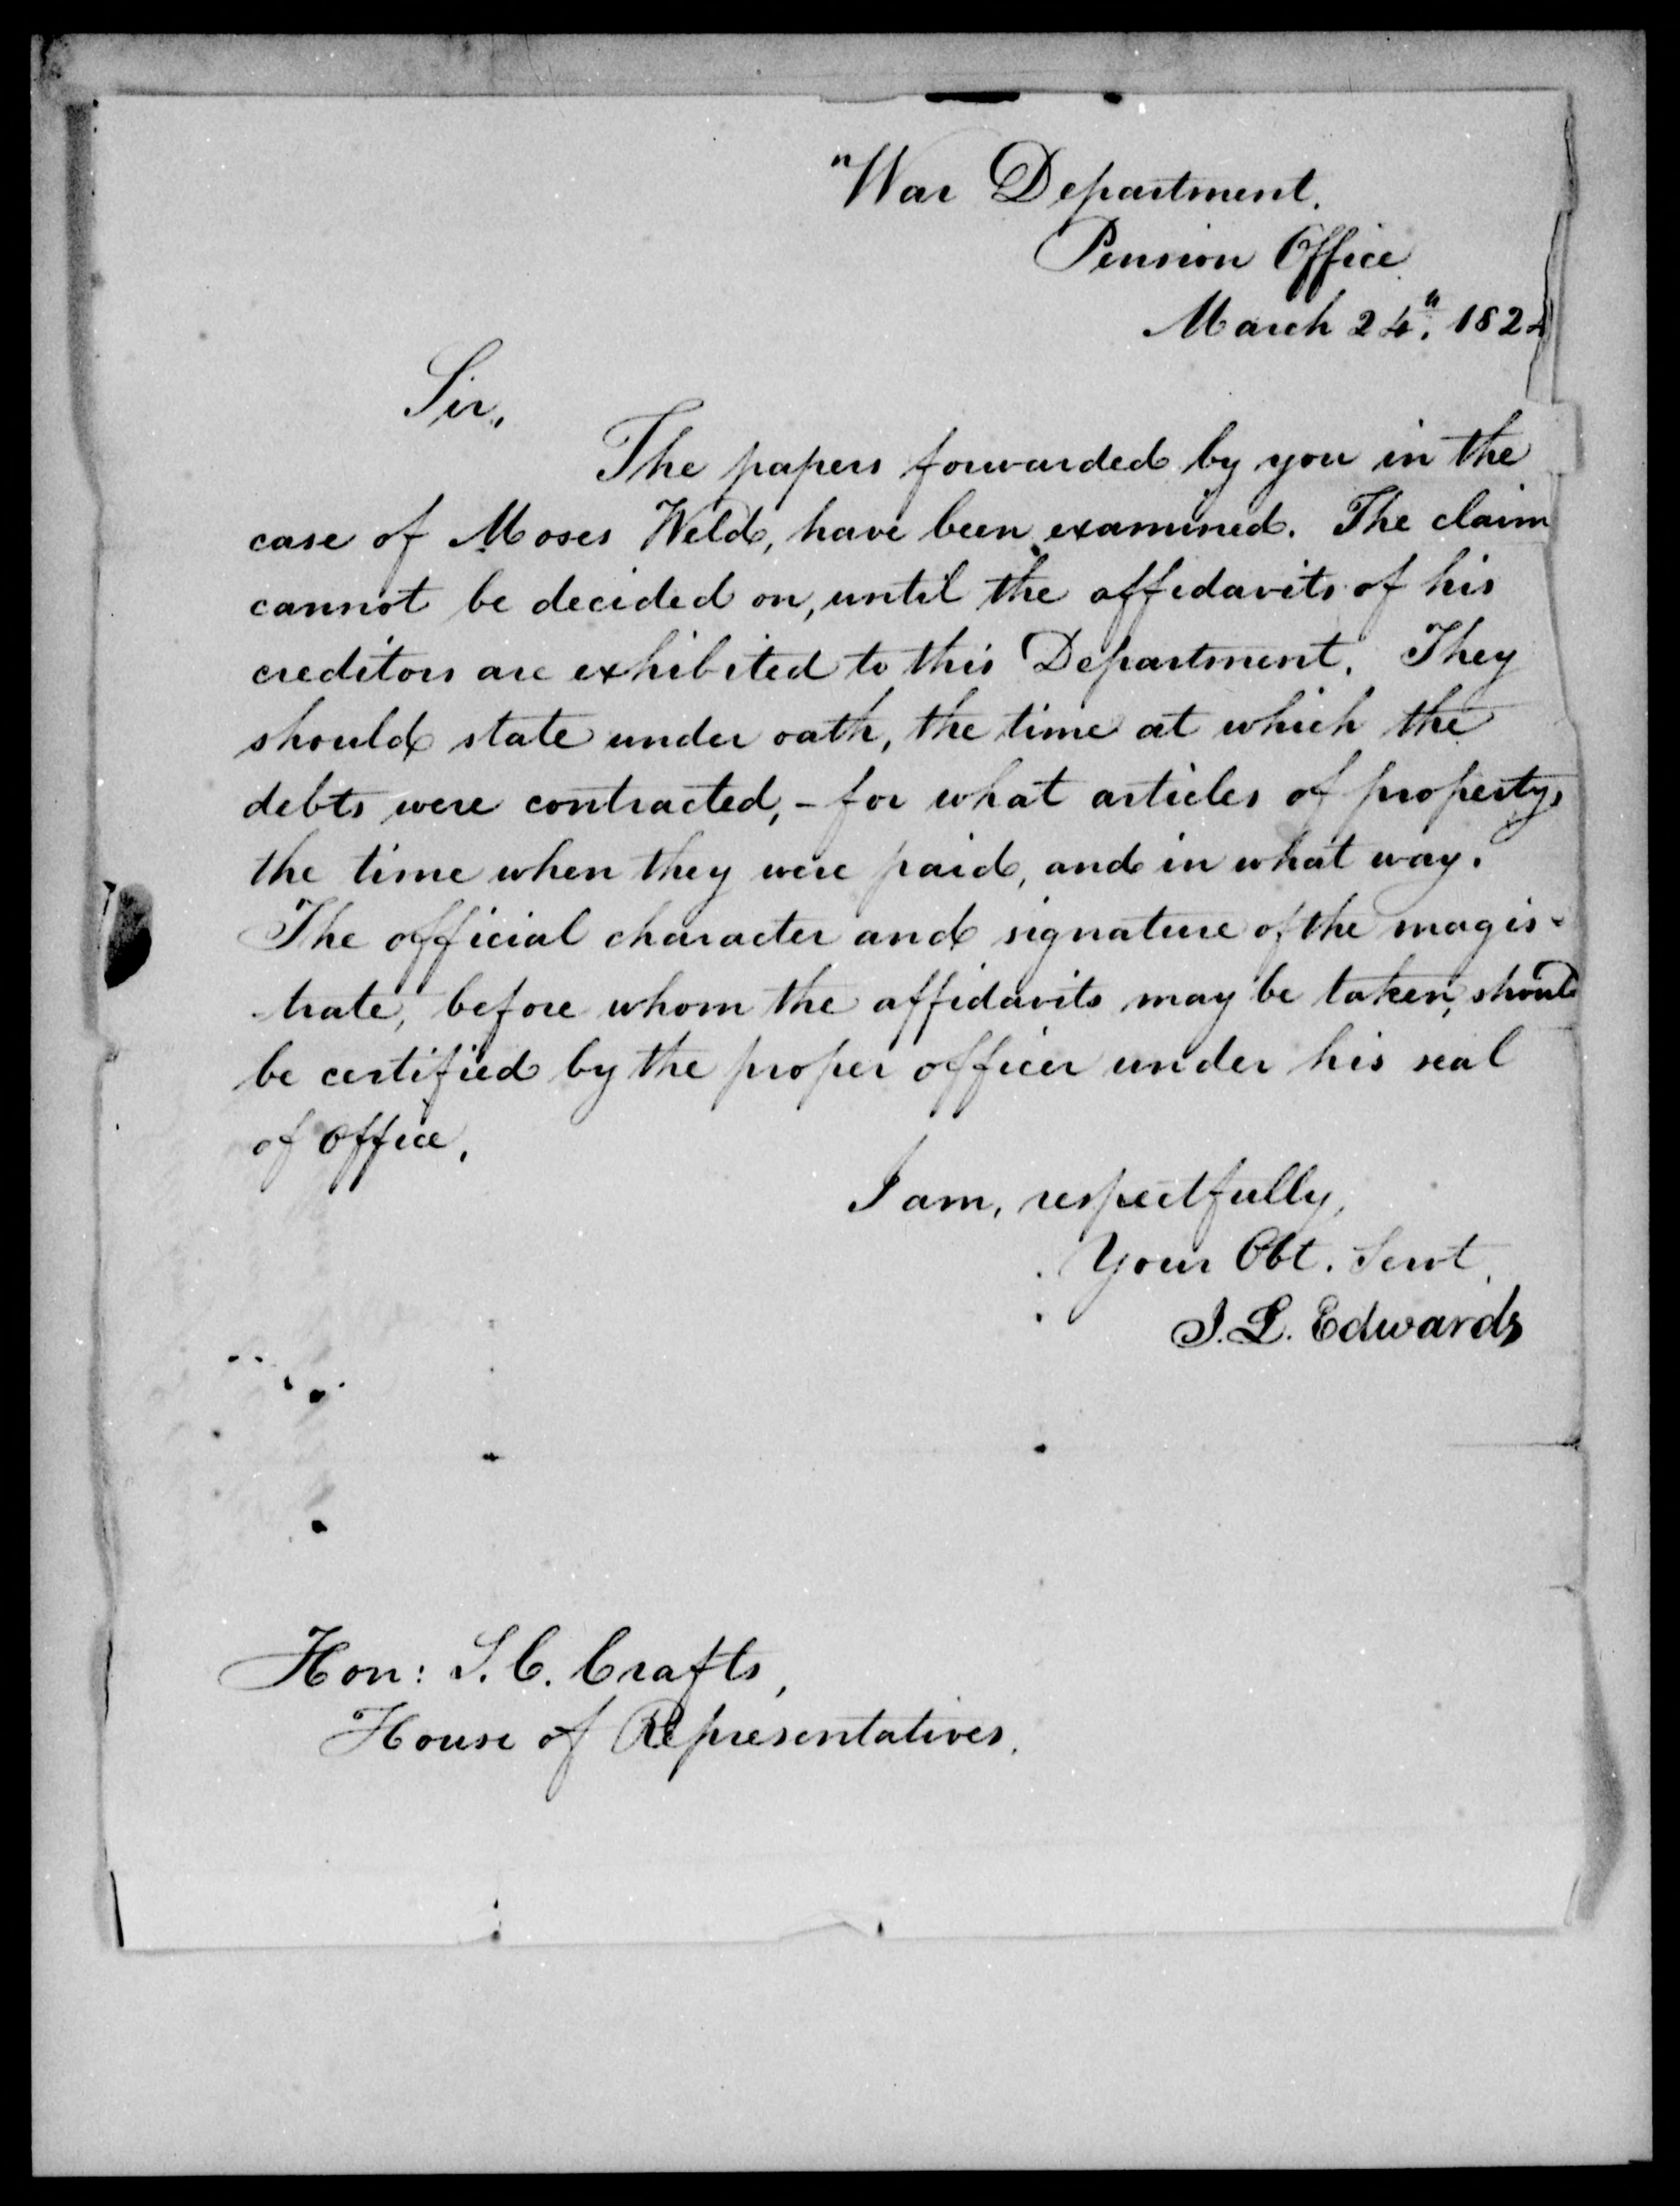War Department
Pension Office
March 24th 1824
Sir,
The papers forwarded by you in the case of Moses Weld, have been examined. The claim cannot be decided on, until the affidavits of his
creditors are exhibited to this Department. They should state under oath, the time at which the debts were contracted,-- for what articles of property, the time when they were paid, and in what way. The official character and signature of the magistrate, before whom the affidavits may be taken, should be certified by the proper officer under his seal
of office
I am, respectfully,
Your Obt. Servt.
J.L. Edwards


Hon. S. C. Crafts
House of Representatives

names: Moses Weld, S C Crafts, J L Edwards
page: 29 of 87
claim: widow's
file: W. 25,966, Moses Weld, Mass.